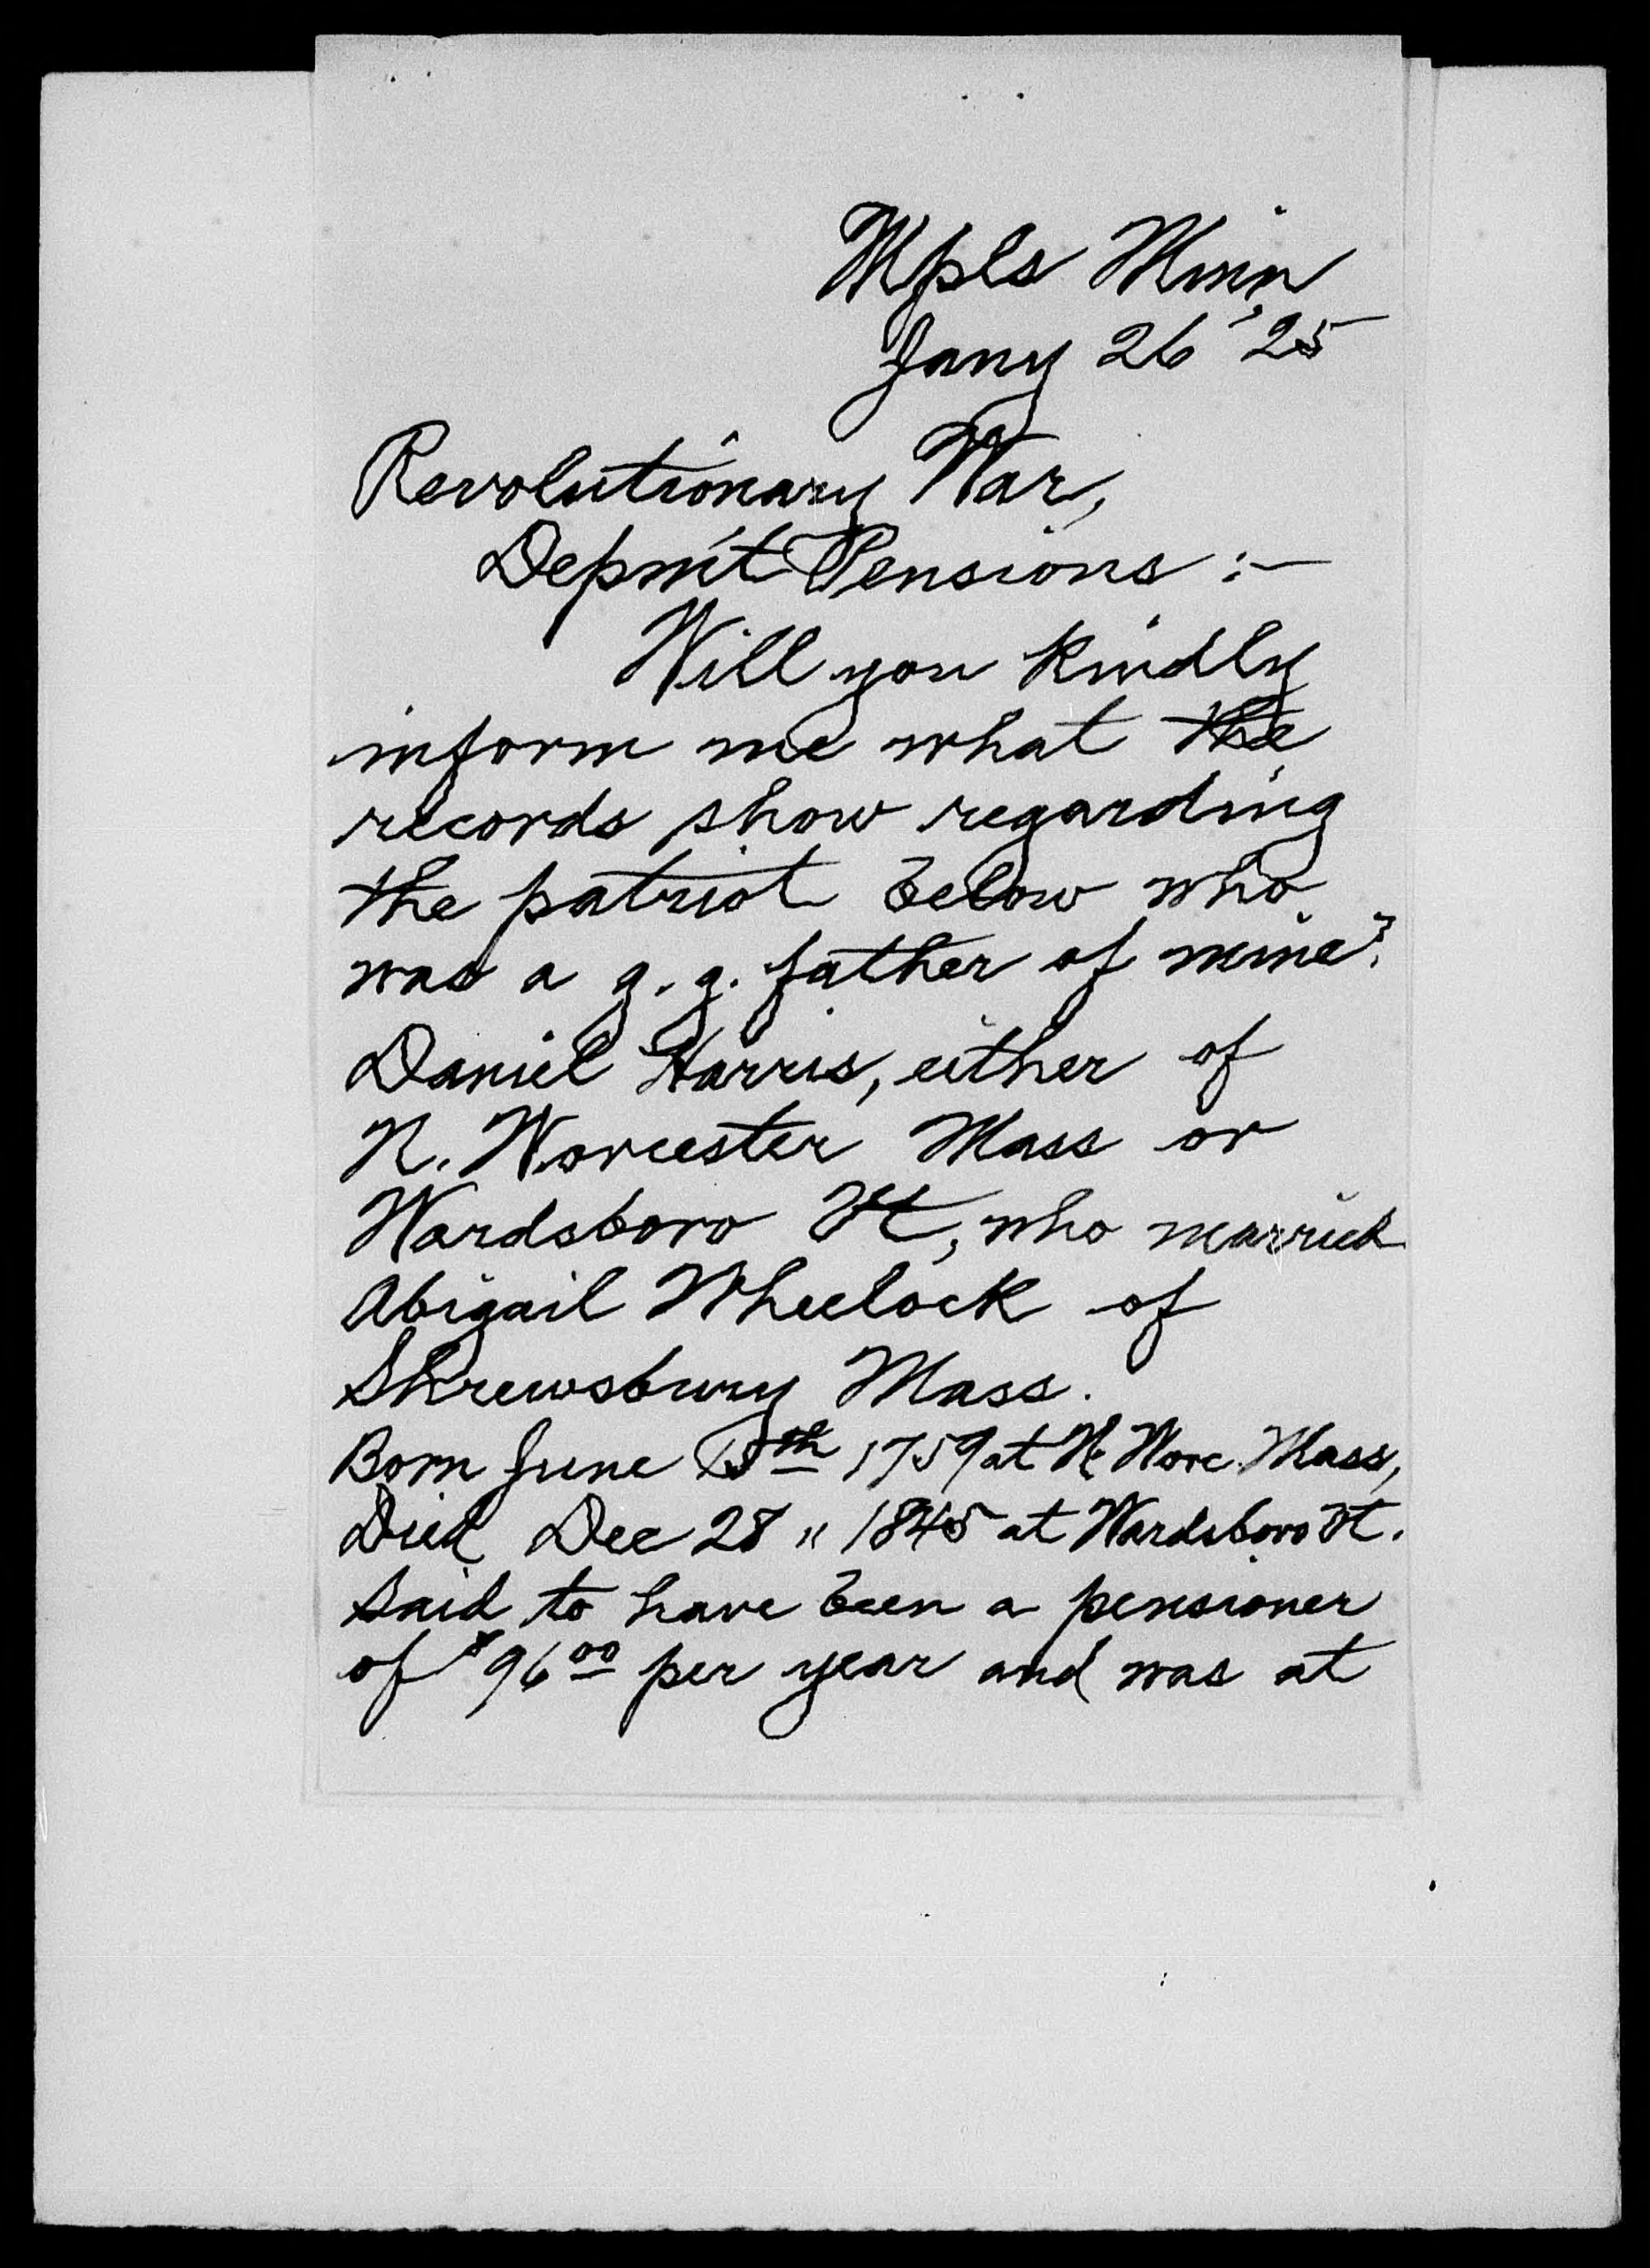Mpls Minn
Jany 26 '25

Revolutionary War
Depmt Pensions: - 

Will you kindly inform me what the records show regarding the patriot below who was a g.g. father of mine?

Daniel Harris, either of N. Worcester Mass or Wardsboro Vt, who married Abigail Wheelock of Shrewsbury Mass. Born June 15th 1759 at N. Ware, Mass, Died Dec 28, 1845 at Wardsboro Vt.  Said to have been a pensioner of $96.00 per year and was at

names: Abigail Wheelock, Daniel Harris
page: 42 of 68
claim: survivor's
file: S. 29,877, Daniel Harris, Mass.